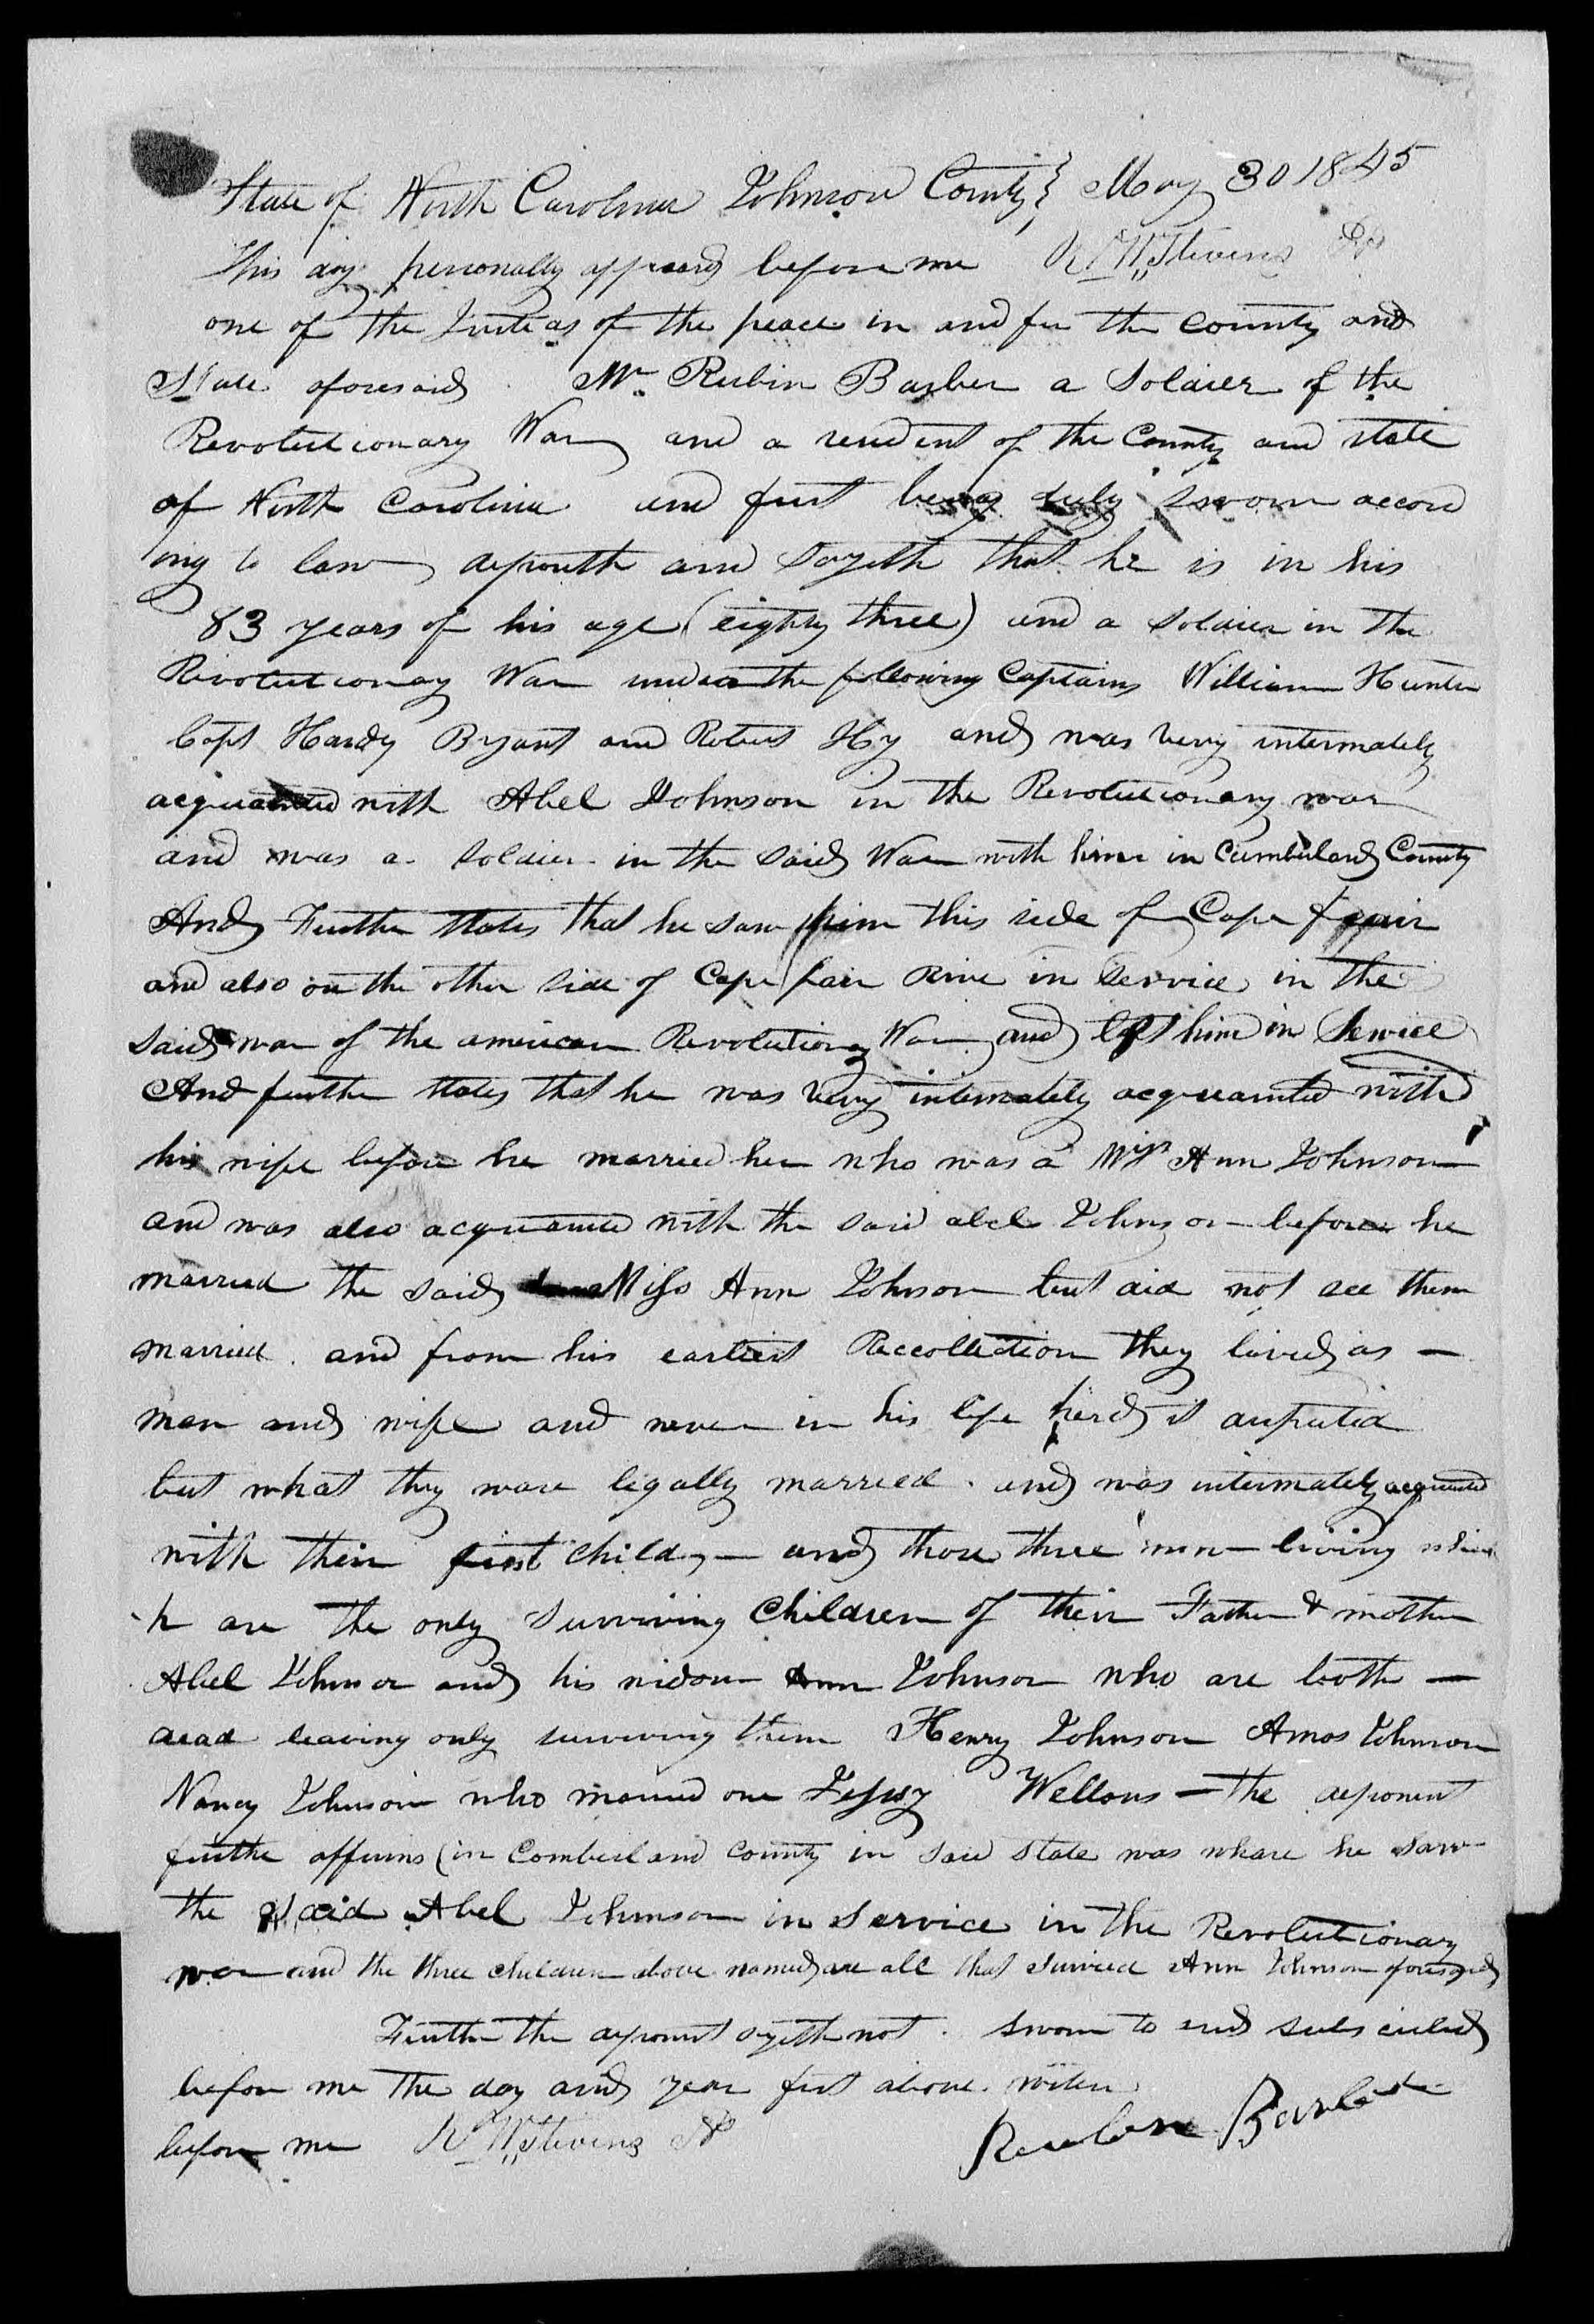State of North Carolina Johnson County} May 30 1845
This day personally appeared before me O. N. Wettering JP one of the justices of the peace in and for the county and state aforesaid.  Mr. Rubin Barber a solider of the Revolutionary War and a resident of the county and state of North Carolia and first being duly sworn according to law, deposeth and sayeth that he is in his 83 years of his age (eighty three) and a soldier in the Revolutionary War served [illegible] the following captains William Hunter Capt. Hardy Bryant and Rotins Hy and was very intimately acquainted with Abel Johnson in the Revolutionary war and was a soldier in the said War with him in Cumberland County And further states that he saw him this side of Cape Fair and also on the side of Cape Fair River in service in the said war of the American Revolutionary War and left him in service.  And further states that he was very intimately acquainted with his wife before he married her who was a Miss Ann Johnson and was also acquainted with the said Abel Johnson before he married the said Miss Ann Johnson but did not see them married.  And from his earliest recollection they lived as man and wife and never in his life heard it disputed but what they were legally married and was intimately acquainted with their first child – and those three now living which are the only surviving children of their father & mother Abel Johnson and his widow Ann Johnson who are both dead leaving only surviving them Henry Johnson Amos Johnson Nancy Johnson who married one Jefrey Wellons.  The deponent further affirms (in Cumberland County in said state was where he saw the said Abel Johnson in service in the Revolutionary War and the three children above named are all that survived Ann Johnson aforesaid.
Further the deponent sayeth not.  Sworn to and subscribed before me the day and year first above written.  
Reuben Barber
Before me N. Wettering JP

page: 58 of 74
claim: rejected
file: R. 5600, for Abel Johnson, North Carolina